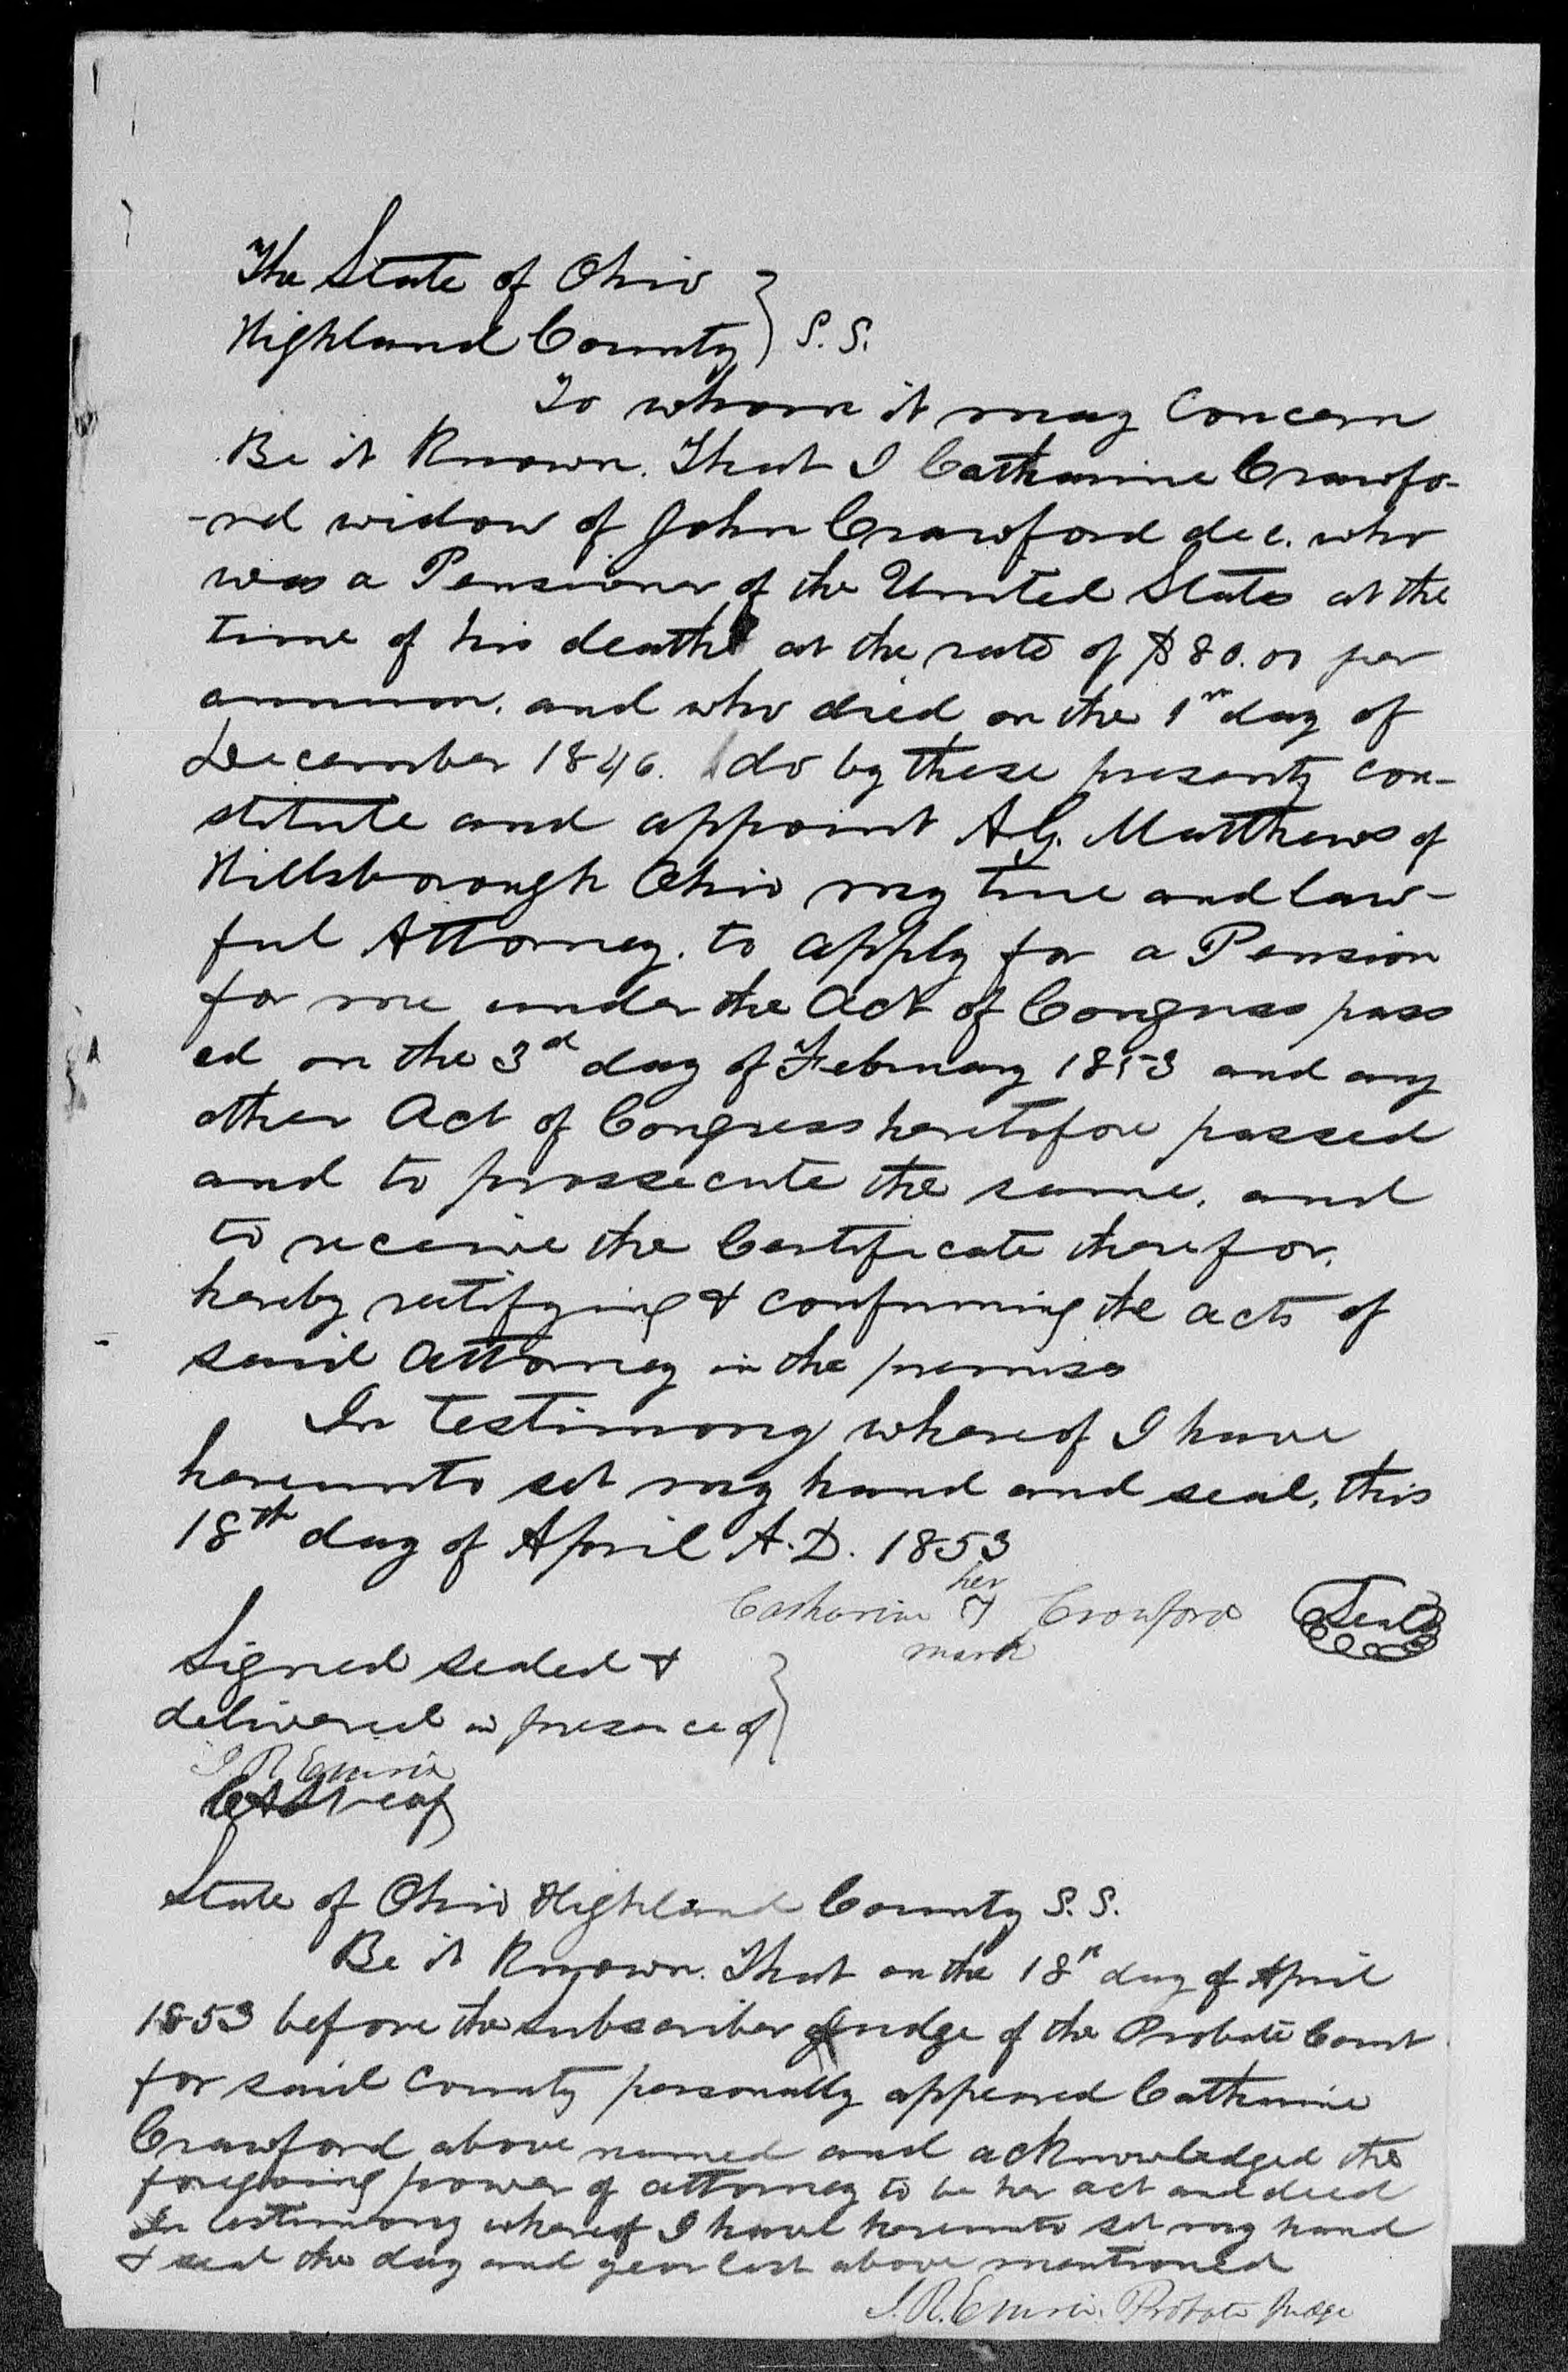The State of Ohio
Highland County) S.S.
To whom it may concern
Be it known, That I Catherine Crawford widow of John Crawford dec who was a Pensioner of the United States at the time of his death at the rate of $80.00 per annum and who died on the 1st day of December 1846. I do by these presents constitute and appoint A. G. Matthews of Hillsborough Ohio my true and lawful Attorney to apply for a Pension for me under the act of Congress passed on the 3d day of February 1853 and any other act of Congress heretofore passed and to prosecute the same, and to receive the Certificate therefor hereby ratifying & confirming the acts of said attorney in the premises
In testimony whereof I have hereunto set my hand and seal, this18th day of April A.D. 1853
her
Catharin X Crawford {Seal}
mark

Signed Sealed &delivered in presence of}
J R  Emrie
[Illegible Signature]

State of Ohio Highland County S.S
Be it known that on the 18th day of April
1853 before the Subscriber Judge of the Probate Court for said County personally appeared Cathrine Crawford above named and acknowledged the foregoing power of attorney to be her act and deed in testimony whereof I have hereunto set my hand & seal the day and year last above mentioned
J. R. Emrie, Probate Judge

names: A G Matthews, Catharine Crawford, Catharine Crawford, John Crawford, J R Emrie, Catharine Crawford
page: 10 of 80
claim: widow's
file: W 2070, John Crawford, Penn.